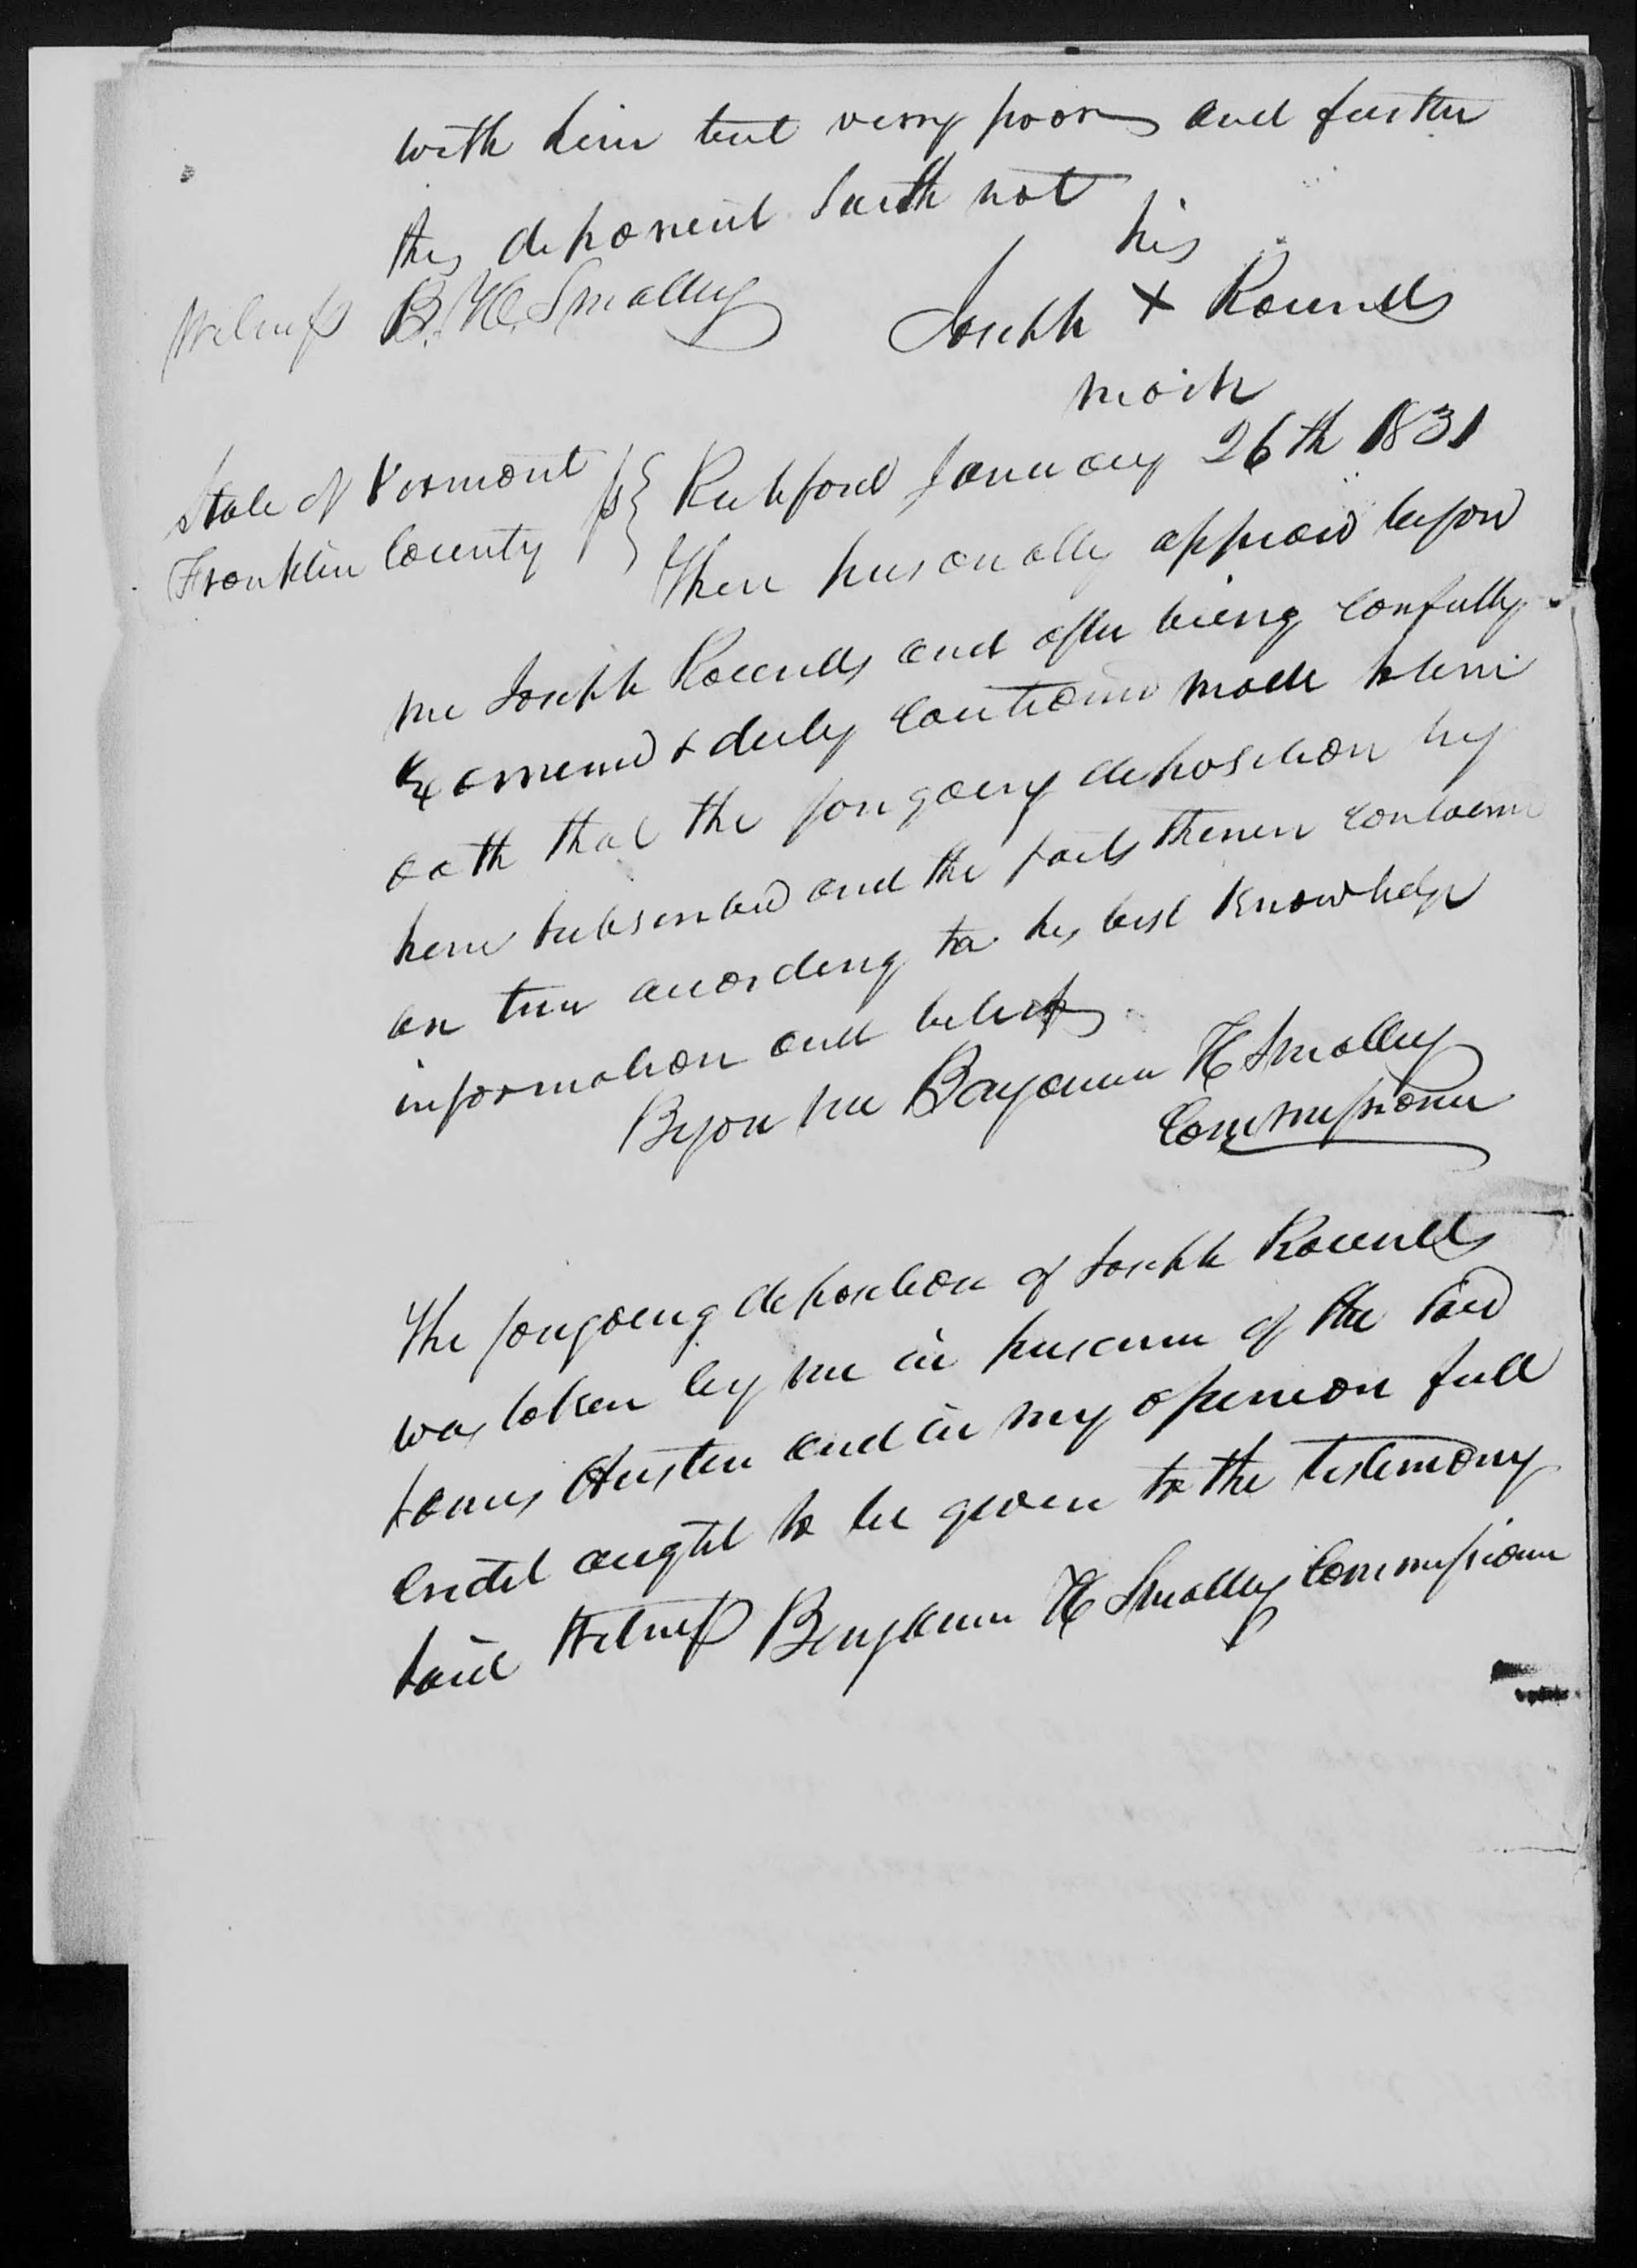with him but very soon and further this deponent saith not 
Joseph his mark Rounds

[illegible] B. H. Smalley

State of Vermont
Franklin County
Ruhford January 26th 1831
There honorably applied before me Joseph  Rounds and after being carefully examined & duly cautious made solemn oath that the foregoing deposition by him subscriber and the facts therein contained an [illegible] according to his best knowledge, information, and beliefs.
Benjamin [illegible] H. Smalley
Commissioner

The foregoing deposition of Joseph Rounds was taken by me in because of the fact James Austin died in my opinion full intel accepted to be given to the testimony  Louis Helsup 
Benjamin H Smalley [signature] Commissioner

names: Benjamin H Smalley, James Austin, Joseph Rounds, B H Smalley, Joseph Rounds, Benjamin H Smalley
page: 8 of 100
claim: survivor's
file: S 19186, James Austin, Conn. New York R.I.